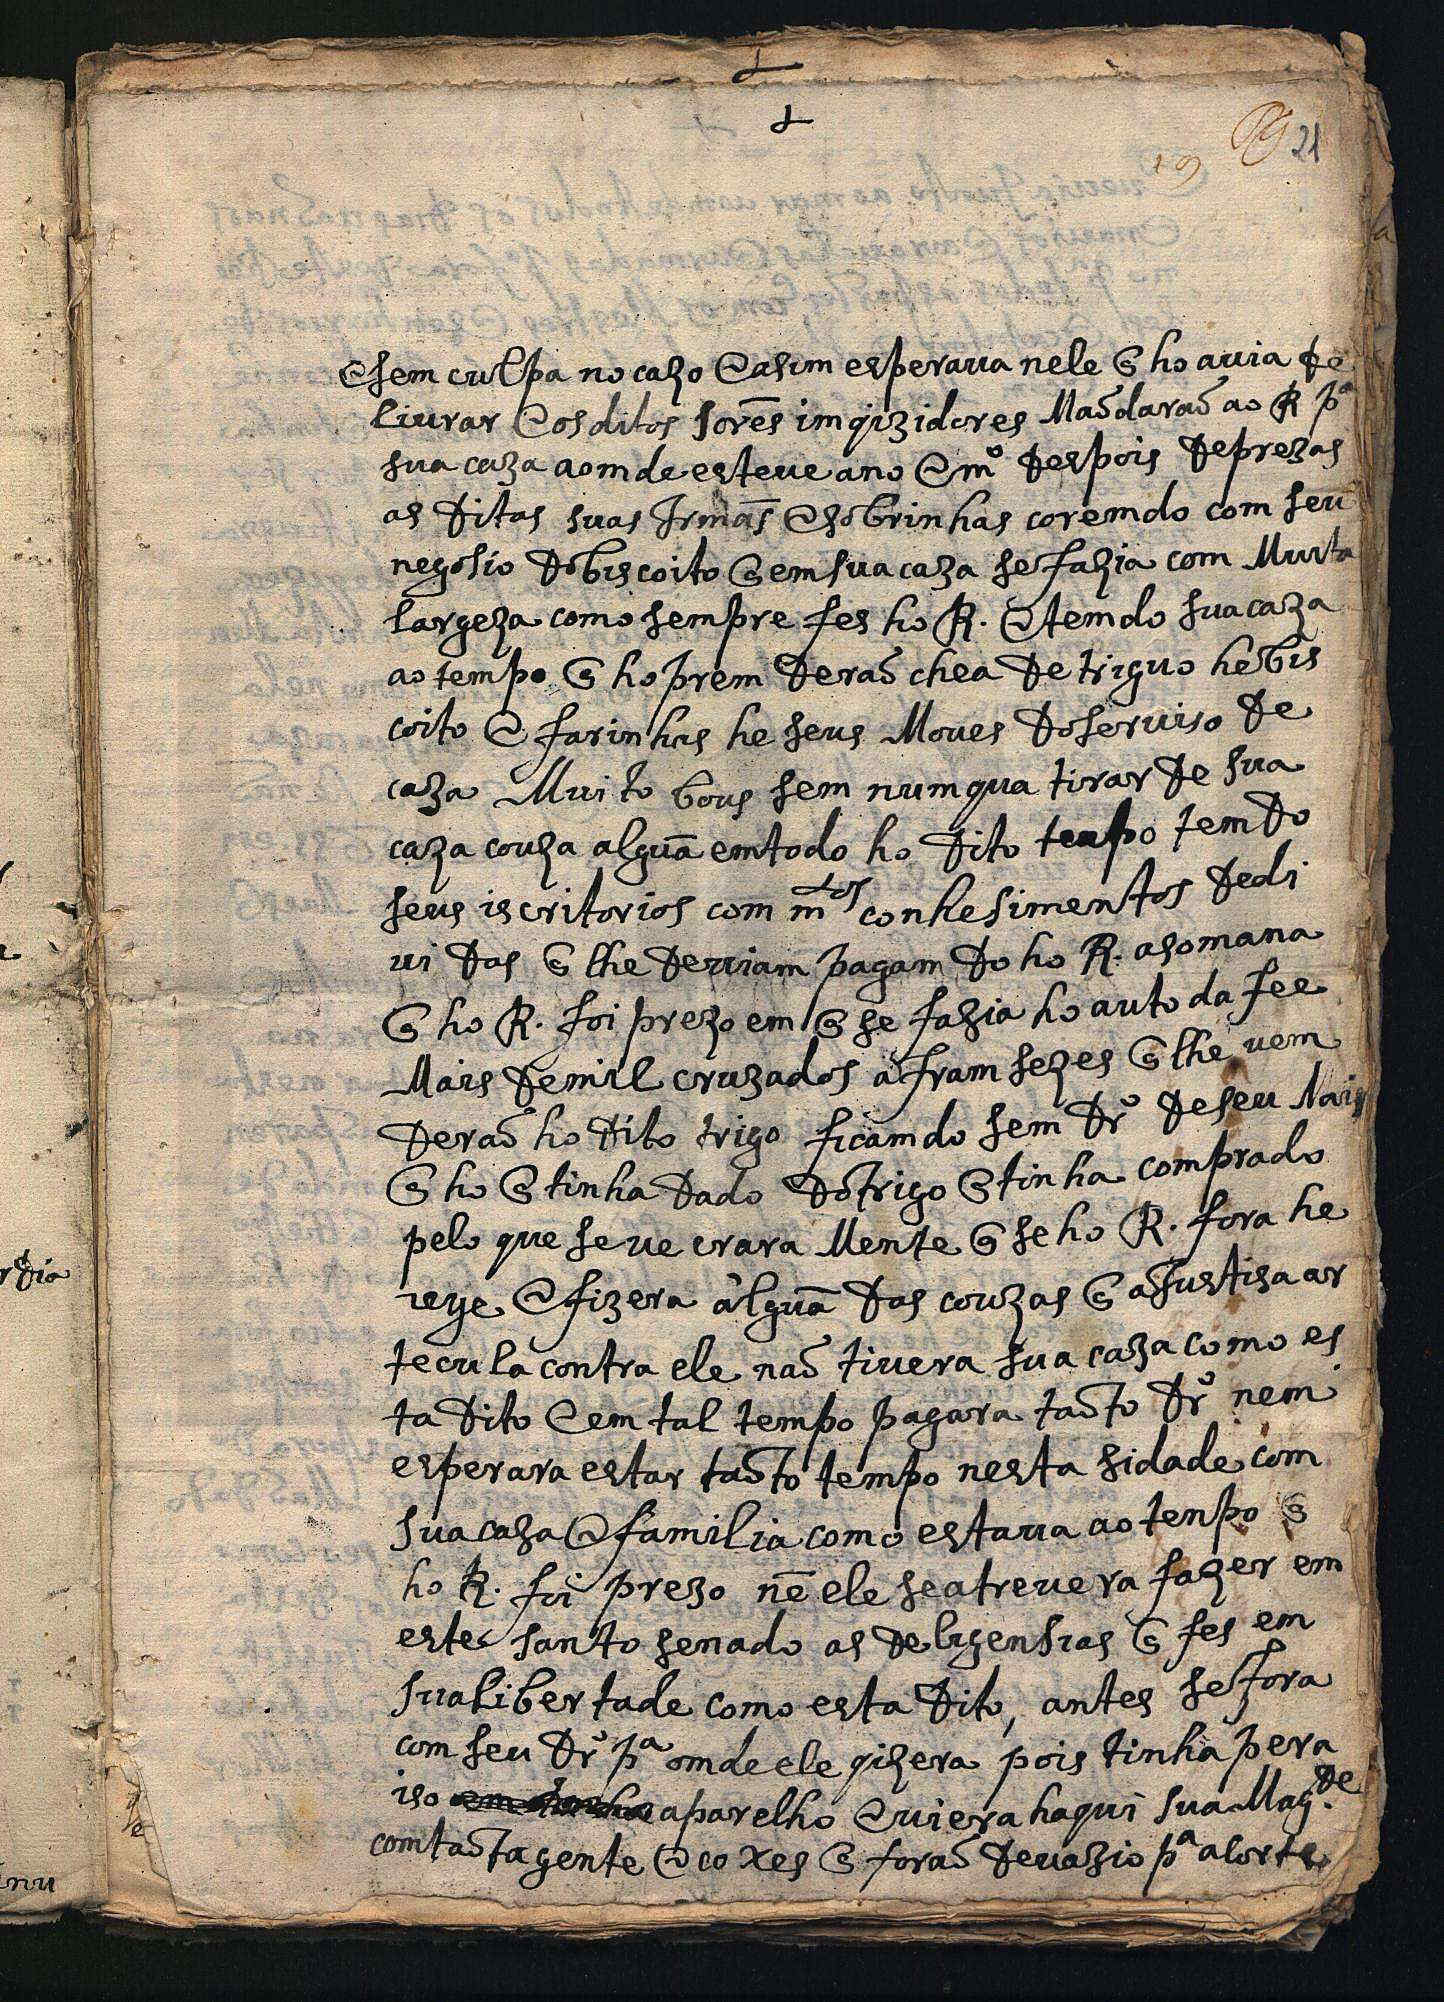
e sem culpa no cazo e asim esperaua nele q̄ ho auia De
Liurar e os ditos sorēs imqizidores Maõdaraõ ao R pa
sua caza aomde esteue ano e mo Despois De prezas
as Ditas suas Jrmās e sobrinhas coremdo com seu
negosio Do biscoito q̄ em sua caza se fazia com Muita
Largeza como sempre fes ho R. e temdo sua caza
ao tempo q̄ ho premDeraõ chea De triguo he bis
coito e farinhas he seus Moues Do seruiso De
caza Muito bous sem numqua tirar De sua
caza couza alguā em todo ho Dito tenpo temDo
seus iscritorios com mtos conhesimentos De di
uiDas q̄ lhe Deuiam pagamDo ho R. a somana
q̄ ho R. foi prezo em q̄ se fazia ho auto da fee
Mais De mil cruzados a framsezes q̄ lhe uem
Deraõ ho Dito trigo ficamdo sem Dro De seu Mais
q̄ ho q̄ tinha Dado Do trigo q̄ tinha comprado
pelo que se ue craraMente q̄ se ho R. fora he
rege e fizera alguā Das couzas q̄ a Justisa ar
tecula contra ele naõ tiuera sua caza como es
ta Dito e em tal tempo pagara taõto Dro nem
esperara estar taõto tempo nesta sidade com
sua casa e familia como estaua ao tenpo q̄
ho R. foi prezo nē ele se atreuera fazer em
este santo senado as deligensias q̄ fes em
sua libertade como esta Dito, antes se fora
com seu Dro pa omde ele qizera pois tinha pera
lho em taoho aparelho e uiera haqui sua Mag.de
com taõta gente E coxes q̄ foraõ De uazio pa a cortes
